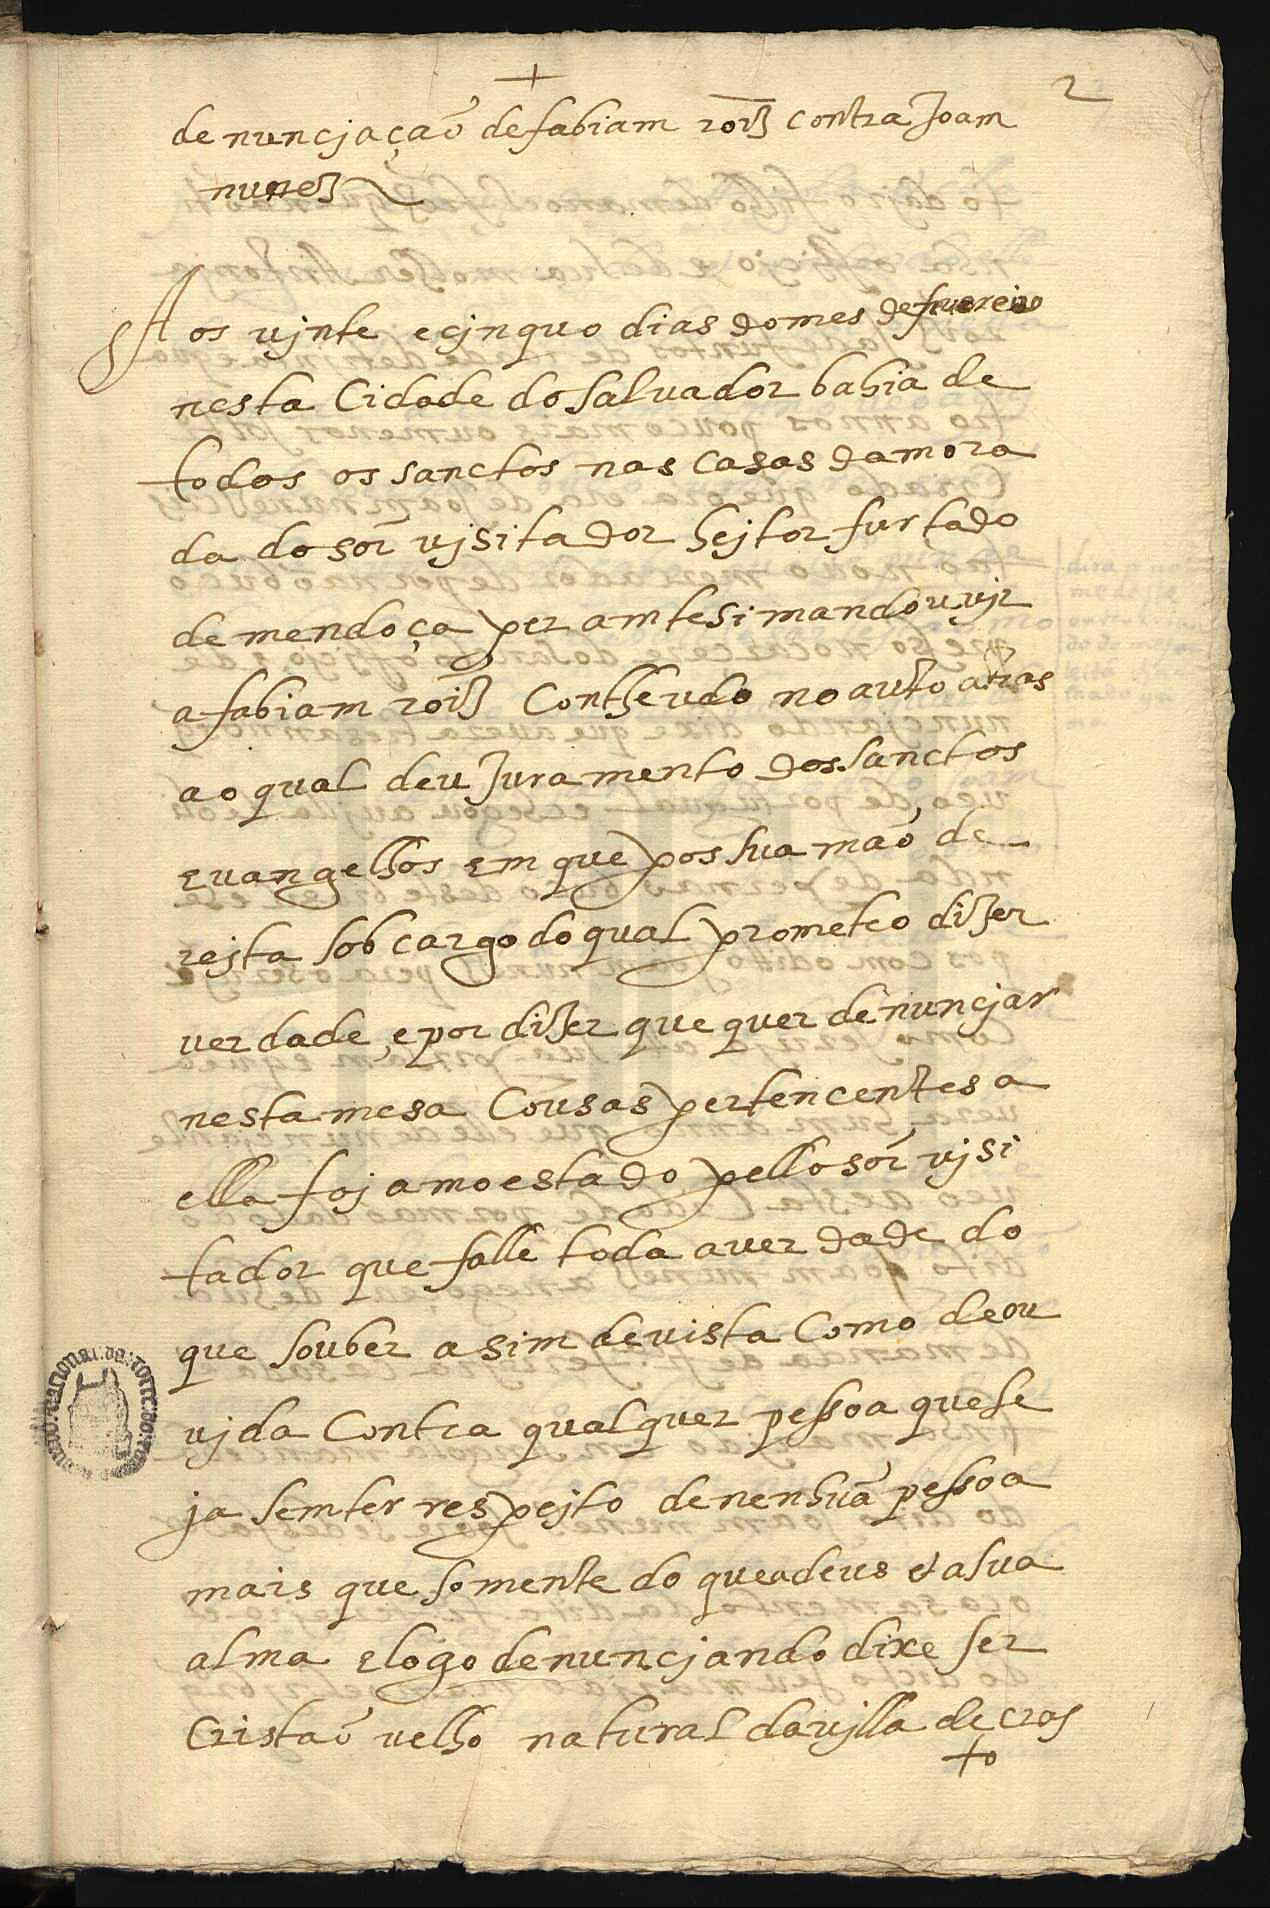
denuncjaçaõ de fabiam rōiz contra Joam
nunez
Aos ujnte e cjnquo dias do mes de feuereiro
nesta Cidade do Saluador bahia de
todos os sanctos nas casas da mora
da do sor̄ ujsitador hejtor furtado
de mendoça per amte si mandou ujr
a fabiam roīz contheudo no auto atras
ao qual deu Juramento dos Sanctos
Euangelhos Em que pos sua maõ de
rejta sob cargo do qual prometeo dizer
uerdade, e por dizer que quer denuncjar
nesta mesa Cousas pertencentes a
ella foj amoestado pello sor̄ ujsi
tador que falle toda a uerdade do
que souber assim de uista como de ou
ujda Contra qualquer pessoa que se
ja sem ter respejto de nenhuā pessoa
mais que somente do que adeus & a sua
alma E logo denuncjando dixe ser
Cristaõ uelho natural da ujlla de cras
to
